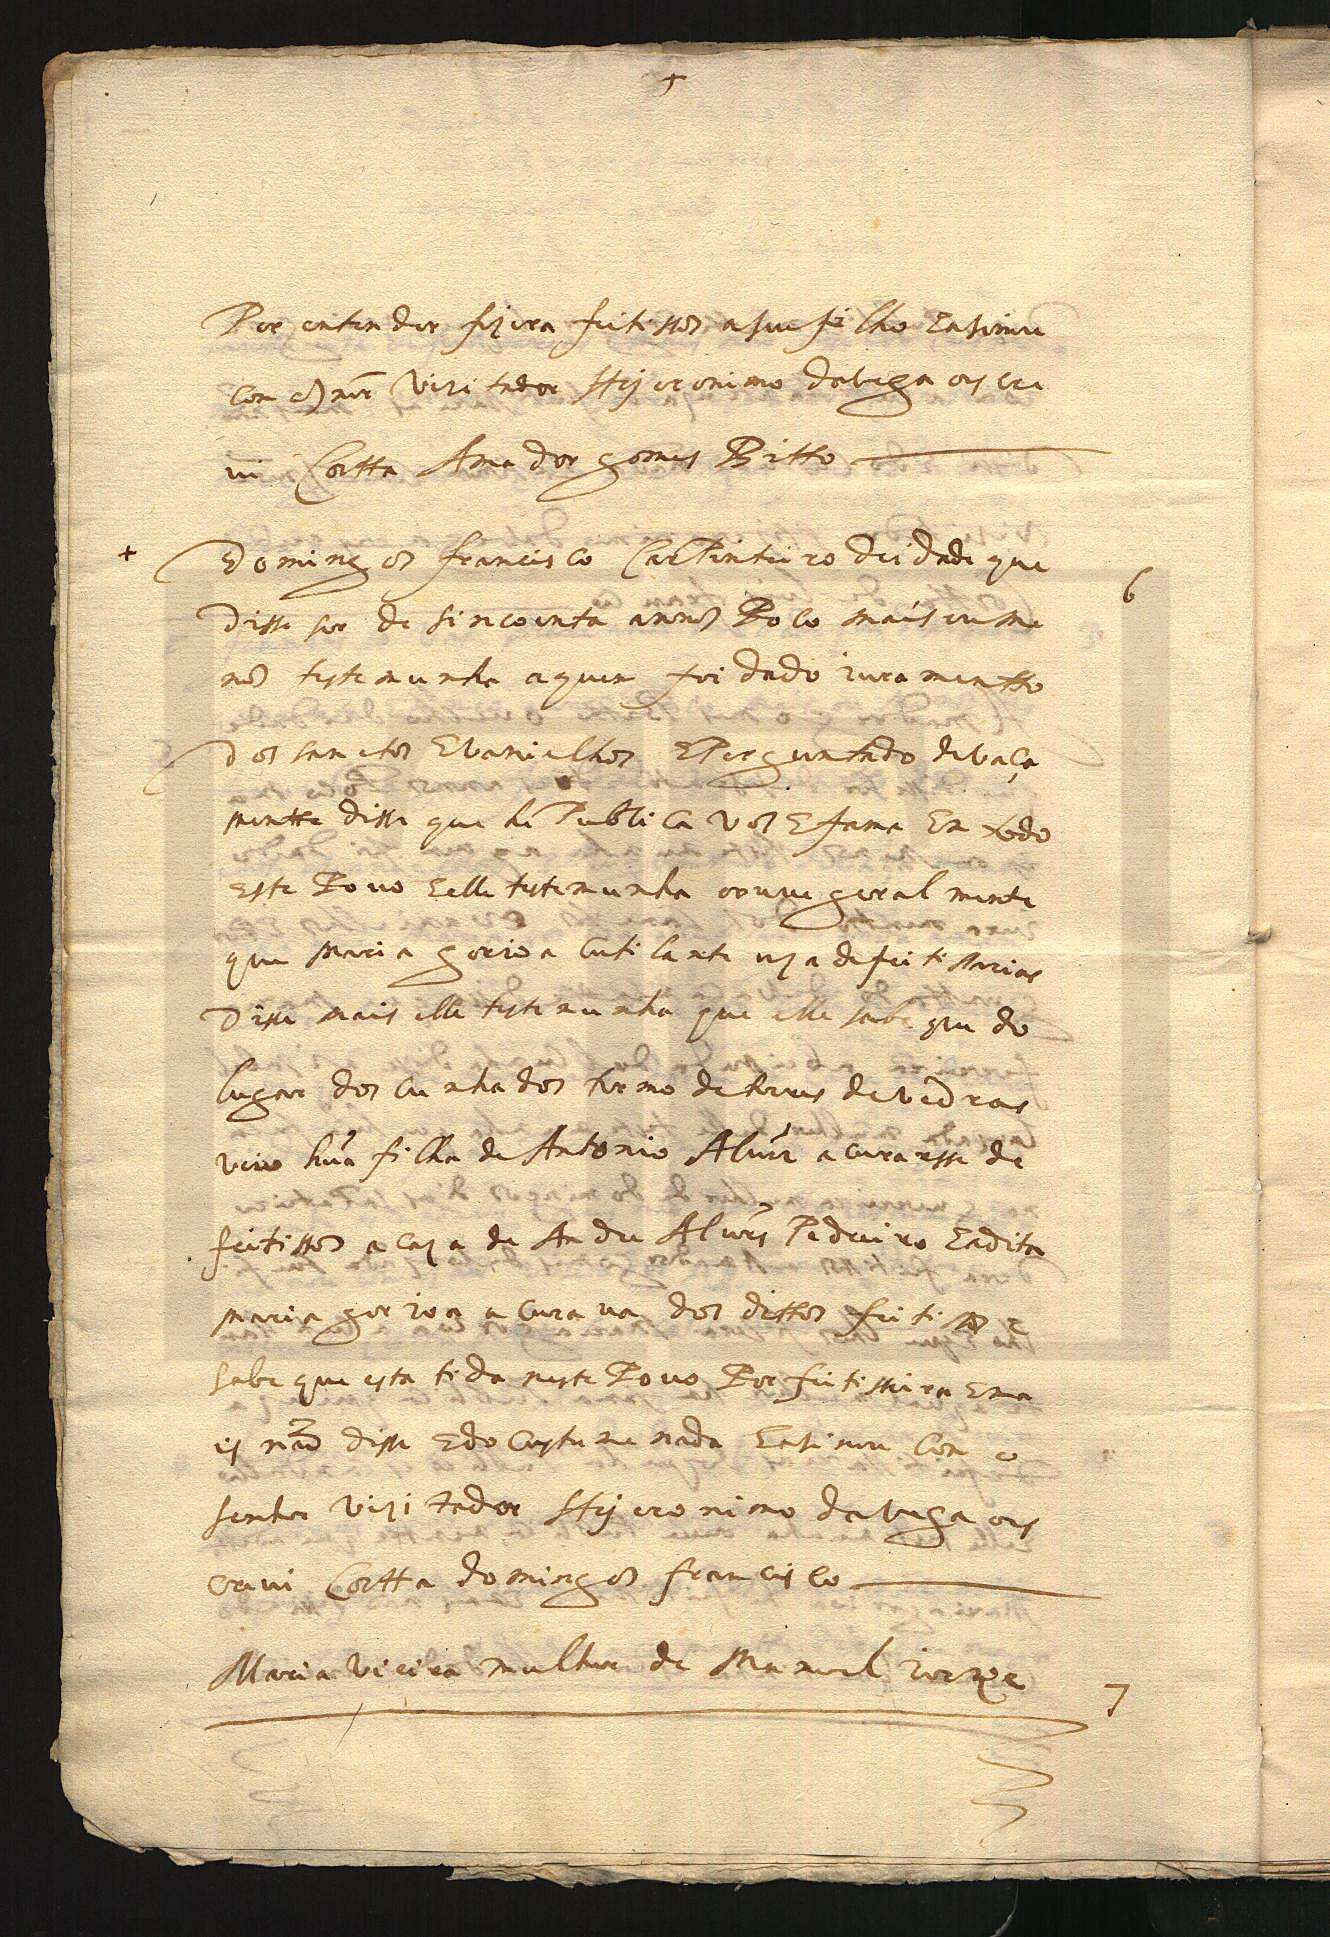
Por entender fizera feitissos a seu filho E asinou
com o Snōr Vizitador Hyeronimo da vega o escre
ui Costta Amador gomes Bitto
Domingos francisco CarPinteiro de idade que
disse ser de sincoenta annos Poco mais ou me
nos testemunha a quem foi dado iuramentto
dos sanctos Evanielhos E Perguntado devaça
mentte disse que he Publica voz E fama Em todo
Este Pouo E elle testemunha o ouue geralmente
que Maria gorioa cutilante uza de feitissarias
Disse mais elle testemunha que elle sabe que do
lugar dos cunhados termo de torres de vedras
veio huā filha de Antonio Alurs̄ a curarsse de
feitissos a caza de Andre Alurs̄ Pedreiro E a dita
Maria gorioa a curaua dos dittos feitissos E
sabe que esta tida neste Pouo Por feitissiera E ma
is não disse E do custume nada E asinou com o
senhor Vizitador Hyeronimo da vega o es
creui Costta domingos francisco
Maria Vieira mulher de Manoel iorze
